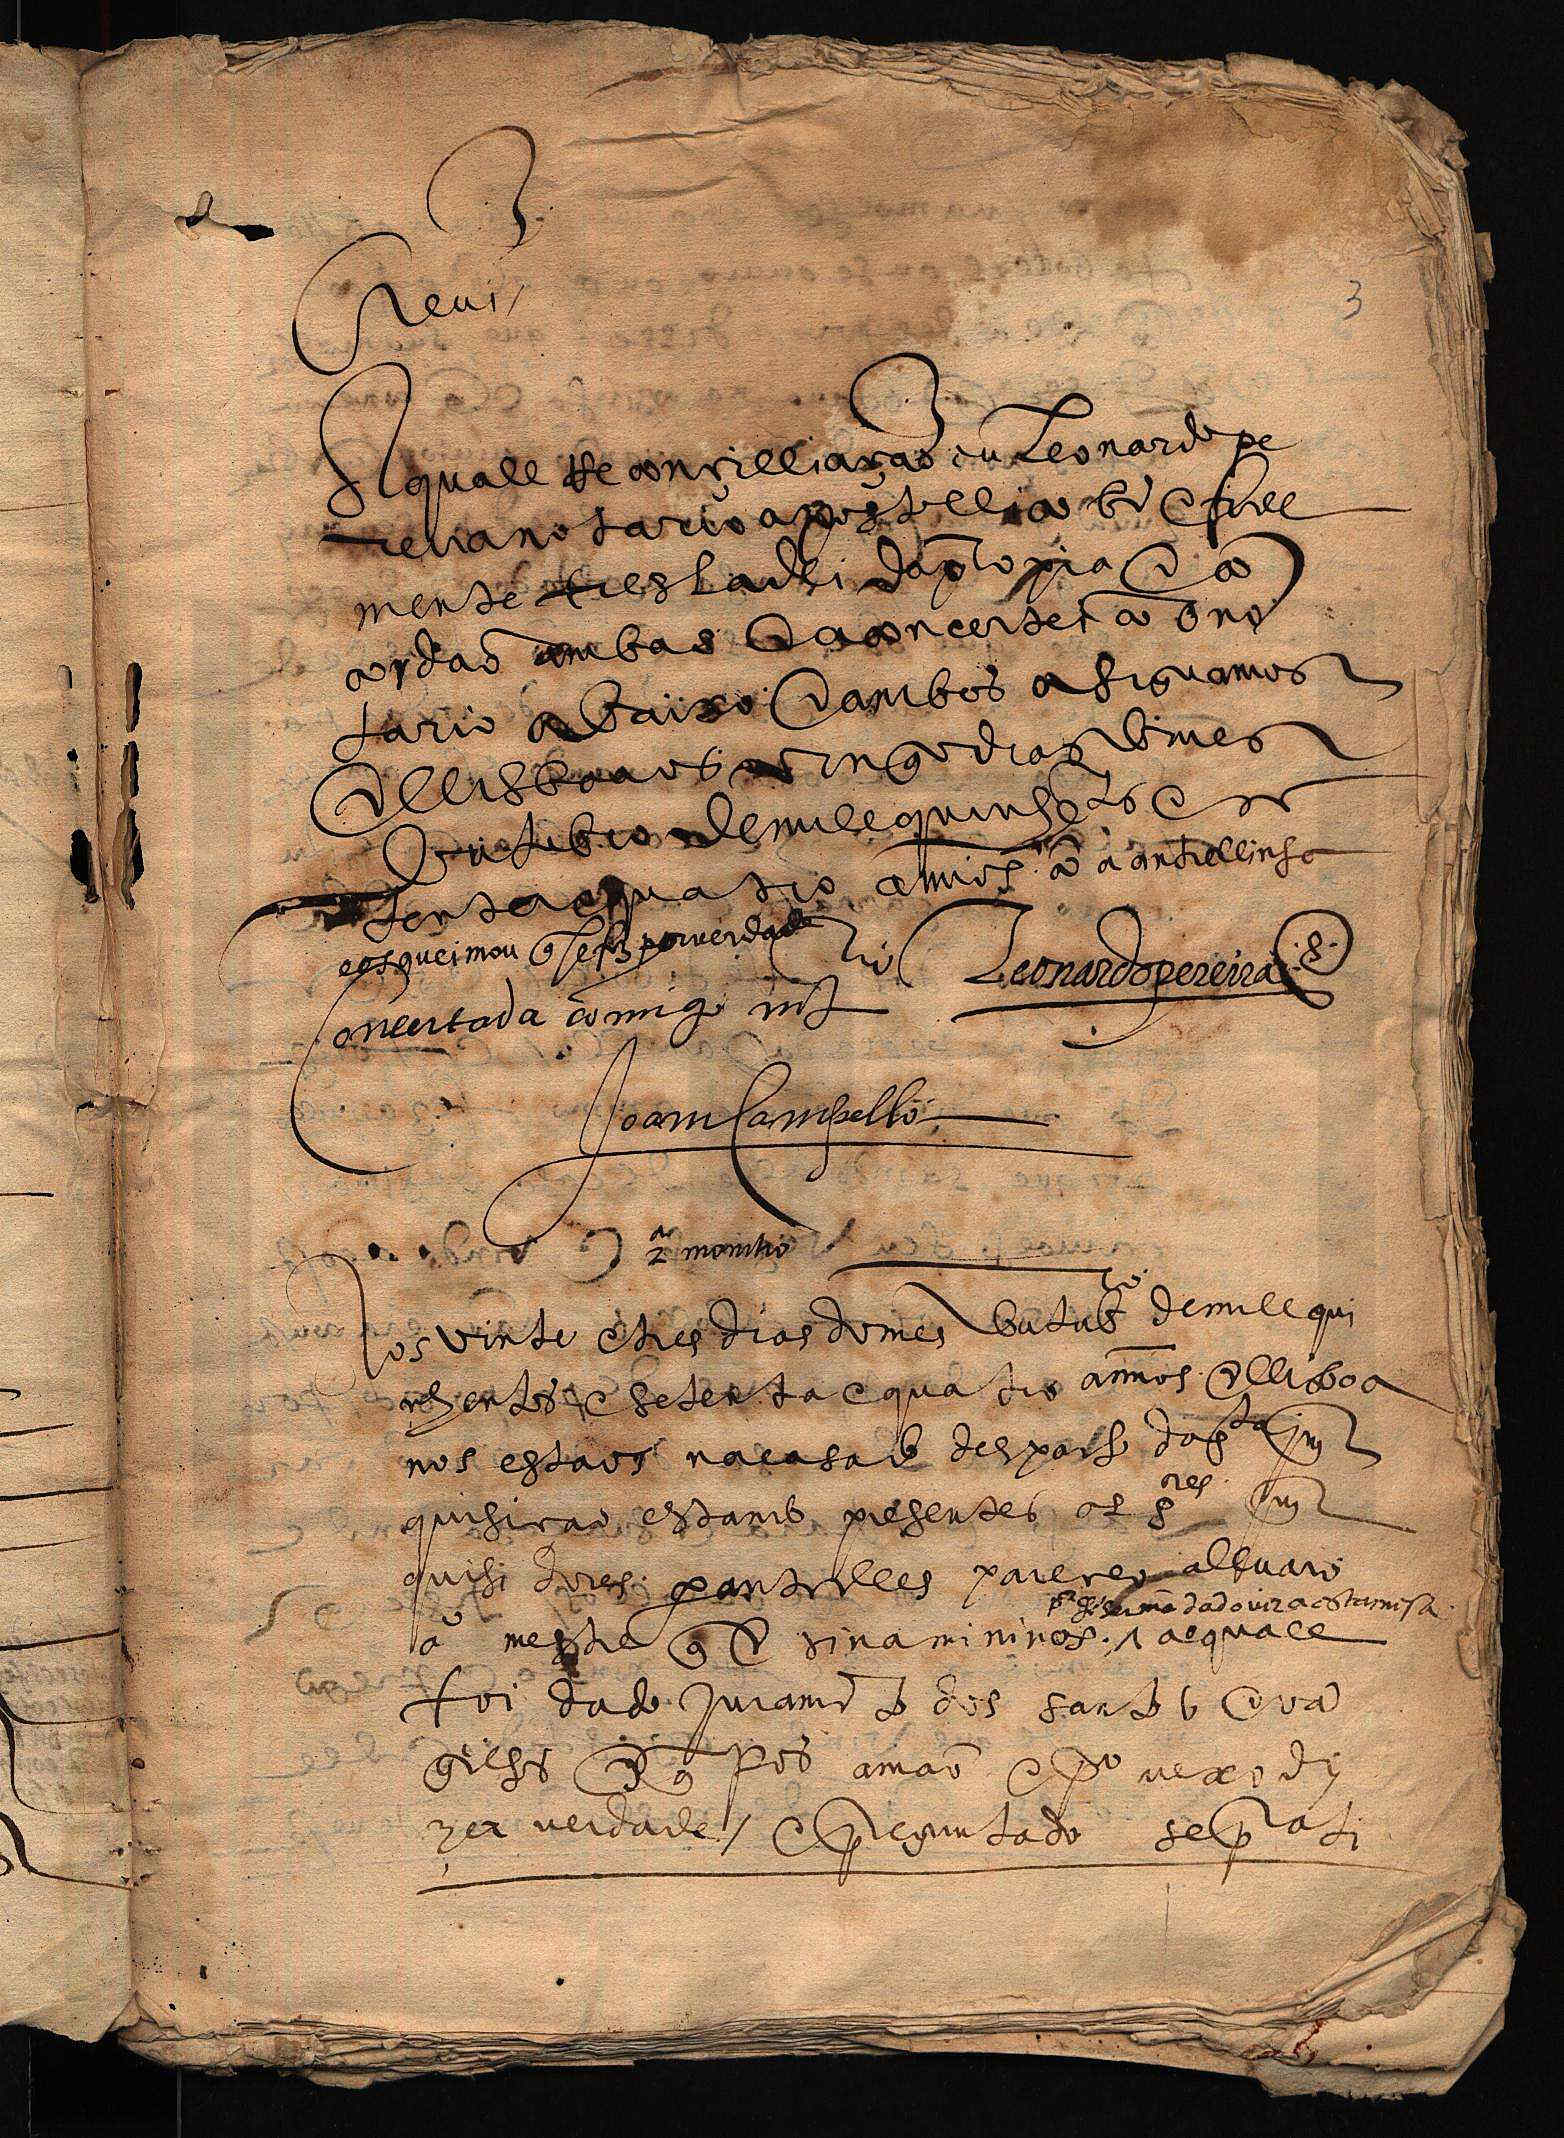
Creui /
A quall Reconçilliaçaõ eu Leonardo pe
reira notario apostollico bē e fiell
mente tresladei da propia e cō
cordaõ ambas e a concertei cō o no
tario abaixo e ambos asignamos
ē llisboa os cinq̄o dias do mes
doutubro de mill quinhētos e se
tenta e quatro annos cō a antrellinha
e os queimou q̄ se fez por uerdade
Concertada comigo notrio
2a monitio
Aos vinte e tres dias do mes doutubro de mill qui
nhentos e setenta e quatro annos ē llisboa
nos estaos na casa do despacho da sta Jm
quisiçaõ estando presentes os sores im
quisidores ꝑante elles pareceo alluaro
ao mestre q̄ e̅sina mininos.
por lhe ser mādado uir a esta mesa
ao quall
foi dado Juramēto dos santos evā
gelhos ē q̄ pos a maõ e p̄oneteo dy
zer uerdade / e p̄reguntado se prati
